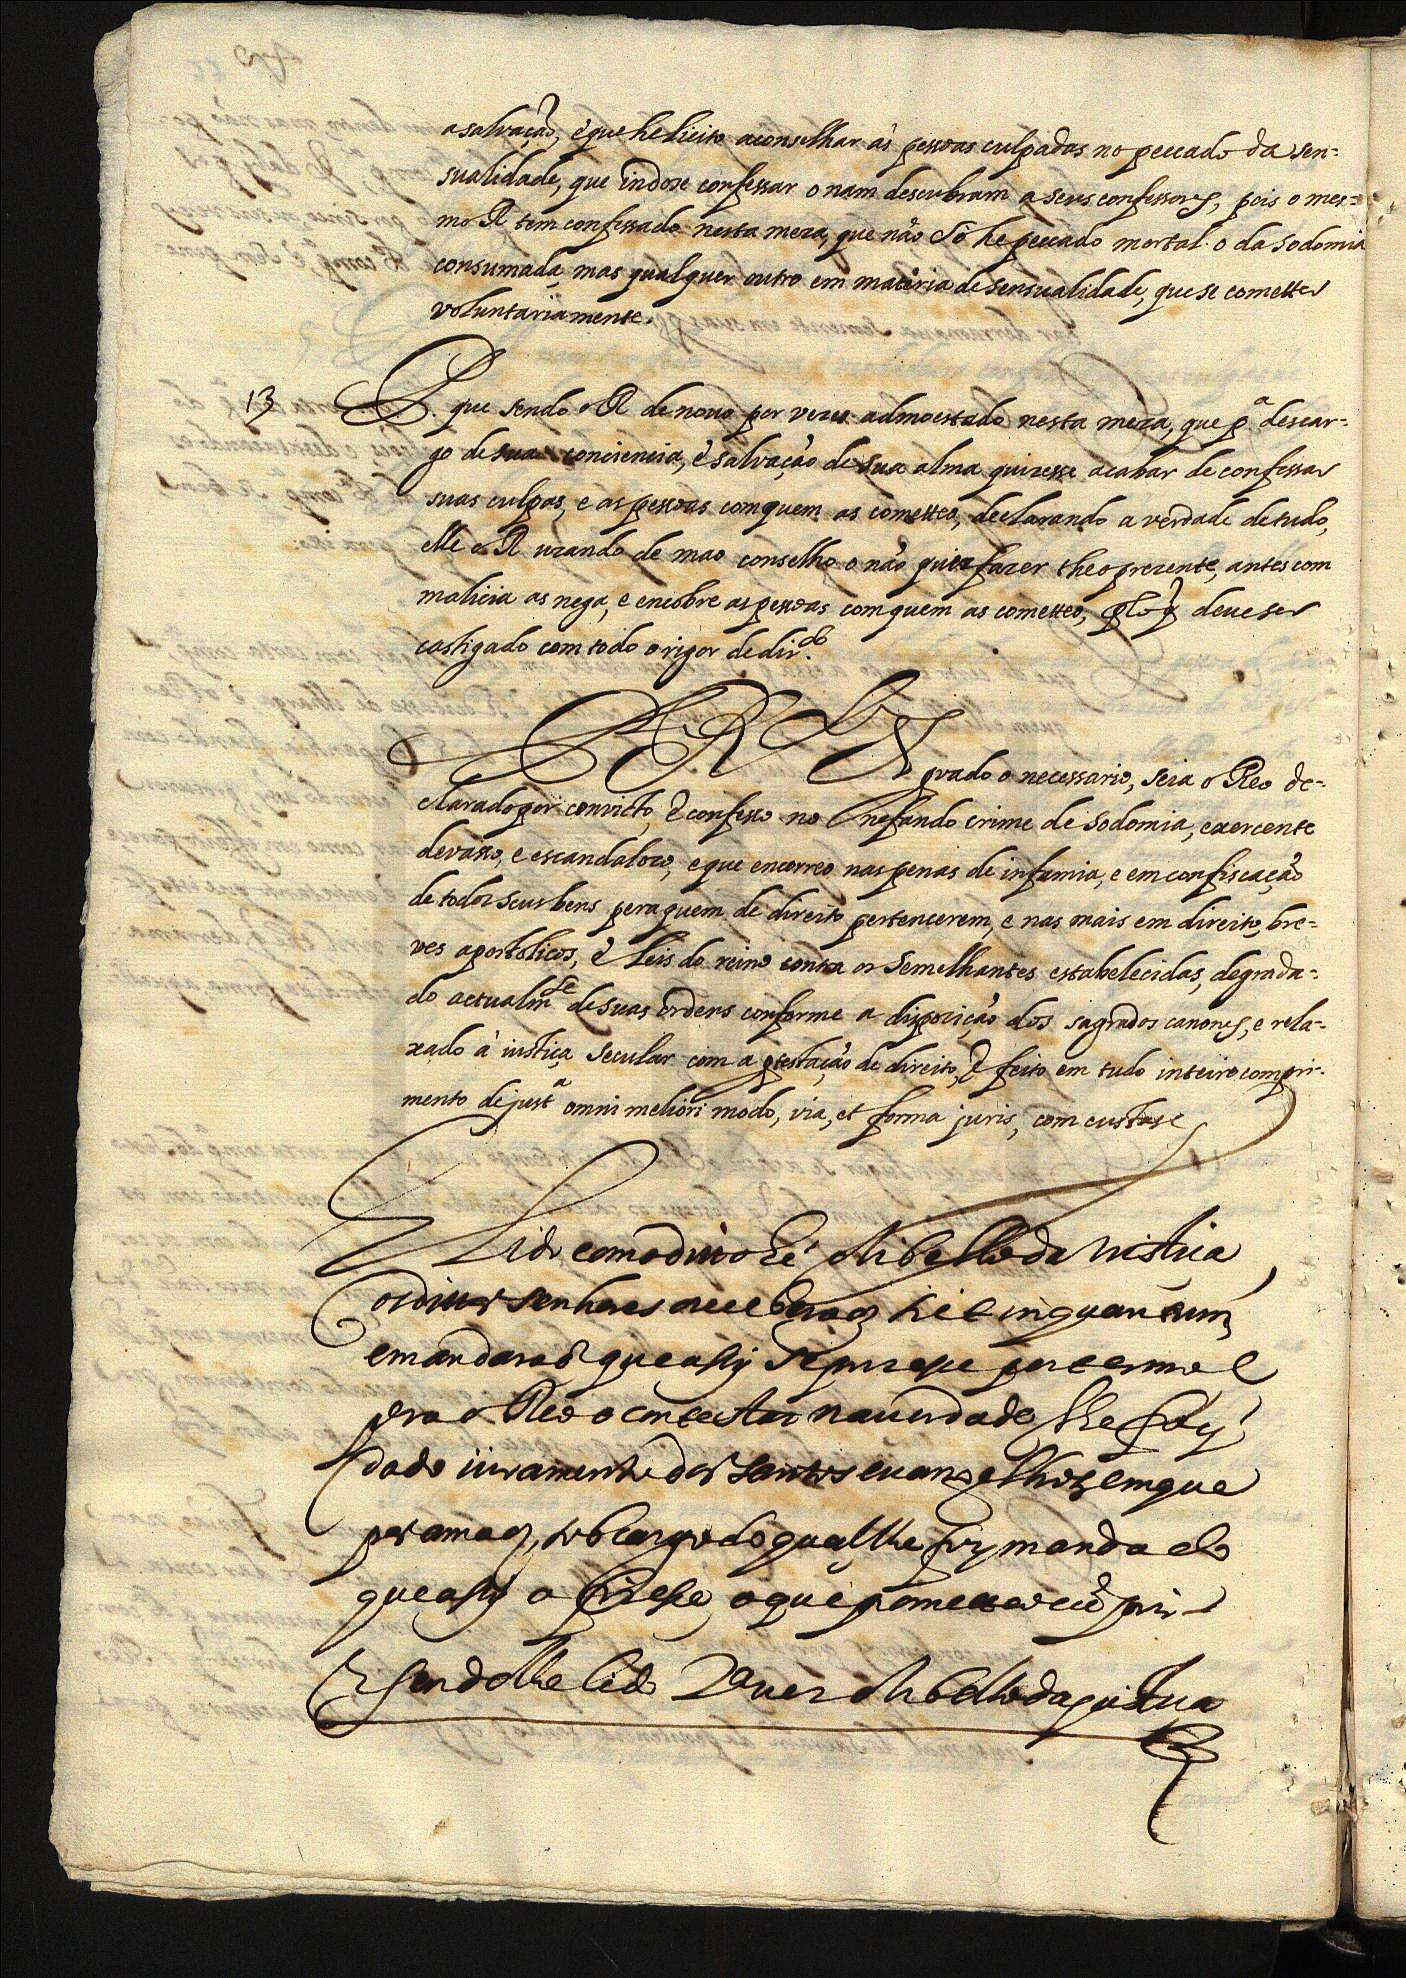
a salvação, e que he licito aconselhar as pessoas culpadas no peccado da sen
sualidade, que indose confessar o nam descubram a seus confessores, pois o mes
mo R tem confessado nesta meza, que naõ so he peccado mortal o da sodomia
consumada, mas qualquer outro em materia de sensualidade, que se cometter
voluntariamente.
13 P. que sendo o R de nouo por vezes admoestado nesta meza, que pa descar
go de sua conciencia, e salvação de sua alma quizesse acabar de confessar
suas culpas, e as pessoas com quem as cometteo, declarando a verdade de tudo,
elle o R uzando de mao conselho o naõ quiz fazer the o prezente, antes com
malicia as nega, e encobre as pessoas com quem as cometteo, plo q̄ deue ser
castigado com todo o rigor de dir.to
P Rto & ꝓvado o necessario, seia o Reo de
clarado por convicto, e confesso no nefando crime de sodomia, exercente
devasso, e escandalozo, e que encorreo nas penas de infamia, e em confiscaçaõ
de todos seus bens pera quem de direito pertencerem, e nas mais em direito, bre
ves apostolicos, e Leis do reino contra os Semelhantes estabelecidas, degrada
do actualmte de suas ordens conforme a dispozição dos sagrados canones, e rela
xado a iustiça secular com ꝓtestaçaõ de direito, & feito em tudo inteiro compri
mento de justa omni meliori modo, via, et forma juris, com custas.
E Lido como ditto hé o libello da iustiça
os dittos senhores receberaõ si et in quantum
e mandaraõ que assy se puzesse por termo e
pera o Reo o contestar na uerdade lhe foy
dado iuramento dos santos euangelhos em que
pos a maõ, sob cargo do qual lhe foy mandado
que assy o fizesse o que prometteo cūprir
E sendolhe lido 2a uez o libello da justiça
